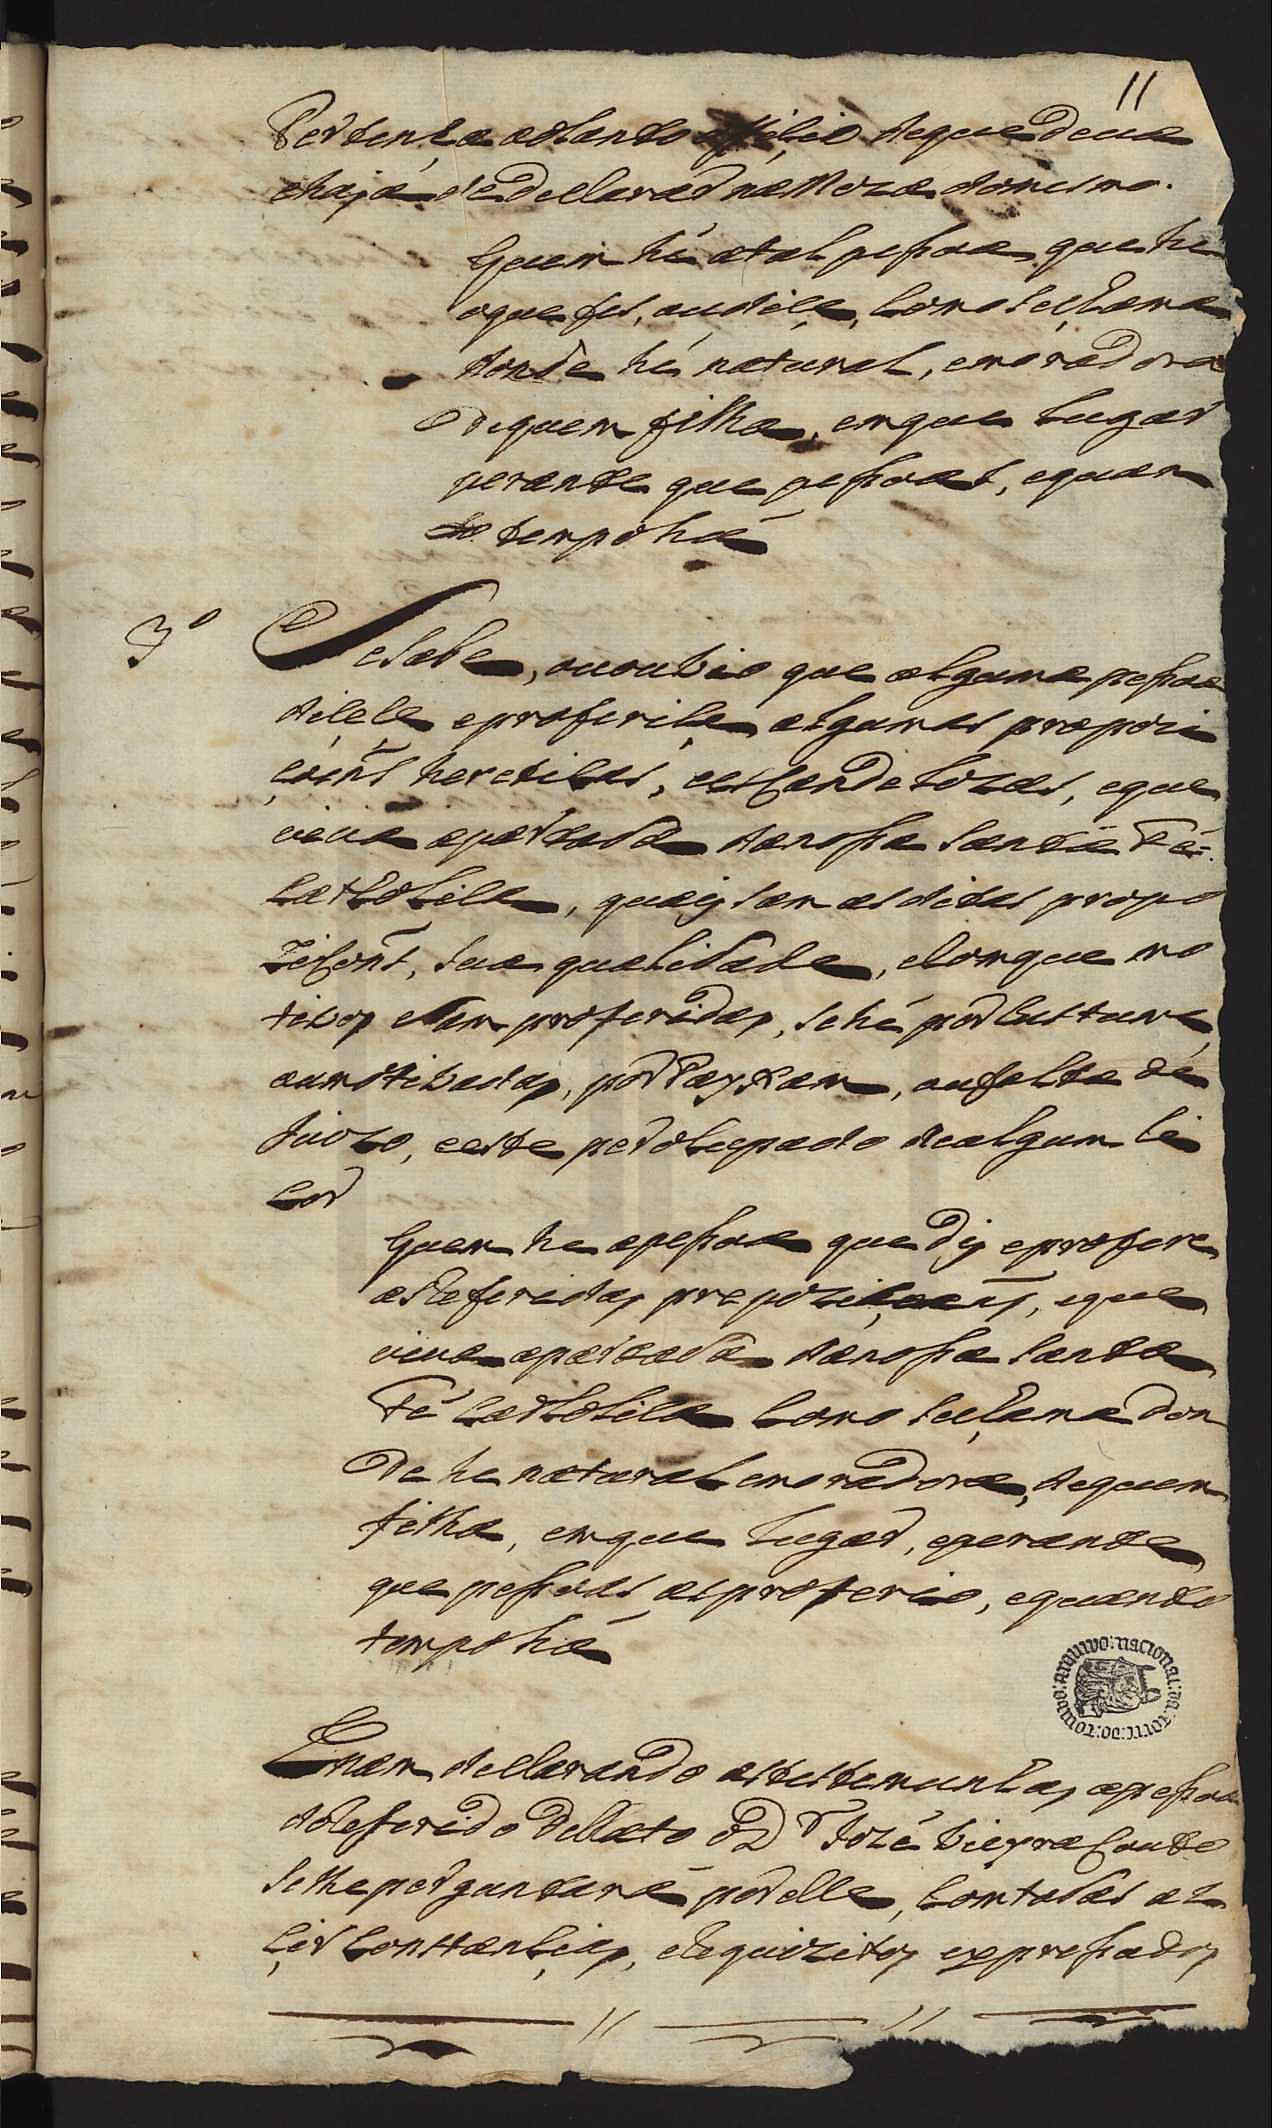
3o
11
Pertença o santo offiçio de que deua
e haja de declarar na Meza do mesmo.
Quem hé a tal pessoa que he
o que fes, ou diçe, como se çhama
donde hé naturaL, e moradora
de quem filho, em que Lugar
perante que pessoas, e quan
to tempo há
Se sabe, ou ouvio que aLguma pessoa
diçece e proferiçe algumas propozi
çoeñs hereticas, e esCandalozas, e que
viua apartado de nossa santa Fé
Catholica, quais sam as ditas propo
ziCoñs, sua qualidade, e com que mo
tivos sam proferidas, se hé por Custume,
ou motivadas, por Payxam, ou falta de
Juizo, e este perocupado de algum li
cor
Quem he a pessoa que dis e profere
as Referidas prepoziçoens, e que
viva apartada da nossa santa
Fé Catholica como se çhama don
de he natural e moradora, de quem
filha, em que Lugar, e perante
que pessoas as proferio, e quanto
tempo há
E nam declarando as testemunhas a pessoa
do Referido Delato o Dr Iozé Vieyra Couto
se lhe perguntará por elle, com todos as
çirconstançias, e Requizitos expressados
